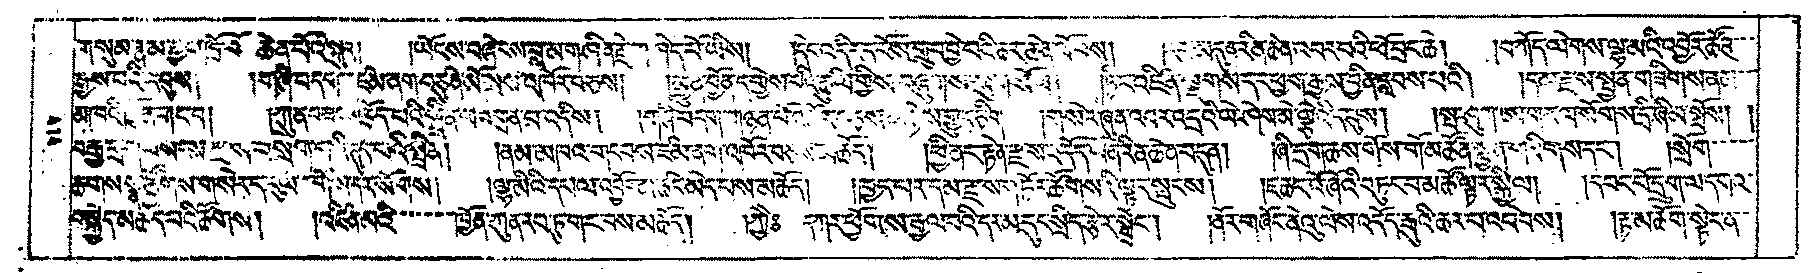གསུམ་རྣམ་རྒྱལ་ཁྲོ་བོ་ཆེན་པོའི་སྐུར། །ཡོངས་བཞེངས་བླ་མ་གཤིན་རྗེ་གཤེད་པོ་ཡིས། །དེང་འདིར་དངོས་གྲུབ་བྱེ་བའི་ཆར་ཆེན་ཕོབས། །རང་མདུན་རིན་ཆེན་འབར་བའི་ཕོ་བྲང་ཆེ། །བཀོད་ལེགས་ལྷ་མའི་འབྱོར་ཚོགས་
རྒྱས་པའི་དབུས། །གཞི་བདག་ཛམ་ནག་བཙུན་མོ་སྲས་འཁོར་བཅས། །མྱུན་བྱོན་དགྱེས་པའི་ཚུལ་གྱིས་བཞུགས་སུ་གསོལ། །ཏིང་འཛིན་སྔགས་དང་ཕྱག་རྒྱས་བྱིན་རླབས་པའི། །དམ་རྫས་སྤྱན་གཟིགས་ནམ་
མཁའི་ཁྱོན་གང་བ། །ཀུན་བཟང་མཆོད་པའི་སྤྲིན་ལ་འགྲན་པ་འདིས། །གཞི་བདག་གཉན་པོ་འཁོར་བཅས་མཉེས་གྱུར་ཅིག །གསེར་ཞུན་འབར་འདྲའི་ཡེ་ཤེས་མེ་ལྕེའི་དབུས། །སྤ་ཤུག་ཨ་གར་ལ་སོགས་དྲི་ཞིམ་སྤོས། །
བརྒྱ་ཕྲག་བསངས་རྫས་བསྲེག་པའི་དུད་པའི་སྤྲིན། །ནམ་མཁའ་གང་བས་ཛམ་ནག་འཁོར་བཅས་མཆོད། །ཕྱི་ནང་རྟེན་རྫས་འདོད་ཡོན་རིན་ཆེན་བདུན། །ཞི་དྲག་ཆས་གོས་གོ་མཚོན་སྤྱན་གཟིགས་དང་། །སྲོག་
ཆགས་སྣ་ཚོགས་གསེར་དངུལ་གོས་དར་སོགས། །ལྷ་མིའི་དཔལ་འབྱོར་མ་ཚང་མེད་པས་མཆོད། །ཁྱད་པར་དམ་རྫས་གཏོར་ཚོགས་རི་ལྟར་སྤུངས། །ཇ་ཆང་འོ་ཞོའི་བཏུང་བ་མཚོ་ལྟར་སྐྱིལ། །དབང་པོ་དྲུག་ལ་དགའ་
བསྐྱེད་མཆོད་པའི་ཚོགས། །འཛིན་མའི་ཁྱོན་ཀུན་རབ་ཏུ་གང་བས་མཆོད། །ཀྱཻཿ དཀར་ཕྱོགས་རྒྱལ་བའི་དར་མདུང་སྲིད་རྩེར་སྒྲེང་། །ནོར་གཞོང་ནེའུ་ལེས་འདོད་རྒུའི་ཆར་བ་འབེབས། །རྟ་མཆོག་སྟེང་ན་